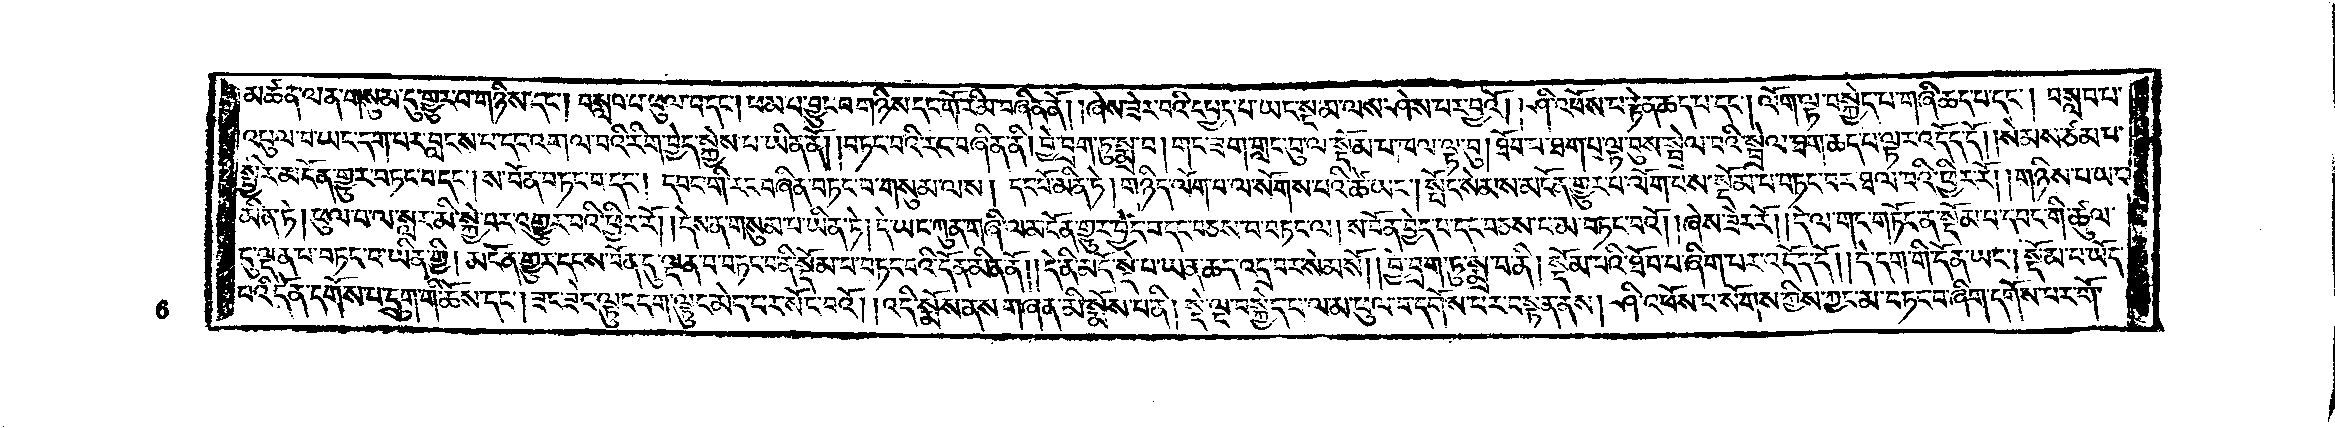མཚན་ལན་གསུམ་དུ་གྱུར་པ་གཉིས་དང་། བསླབ་པ་ཕུལ་བ་དང་། ཕམ་པ་བྱུང་བ་གཉིས་དང་གོ་རིམ་བཞིན་ནོ། །ཞེས་ཟེར་བའི་དཔྱད་པ་ཡང་སྔ་མ་ལས་ཤེས་པར་བྱའོ། །ཤི་འཕོས་པ་རྟེན་ཆད་པ་དང་། ལོག་ལྟ་བསྐྱེད་པ་གཞི་ཆད་པ་དང་། བསླབ་པ་
འཕུལ་བ་ཡང་དག་པར་བླངས་པ་དང་འགལ་བའི་རིག་བྱེད་སྐྱེས་པ་ཡིན་ནོ། །བཏང་བའི་རང་བཞིན་ནི། བྱེ་བྲག་ཏུ་སྨྲ་བ། གང་ཟག་གླང་བུ་ལ་སྡོམ་པ་ཁལ་ལྟ་བུ། ཐོབ་པ་ཐག་པ་ལྟ་བུས་སྦྲེལ་བའི་སྦྲེལ་ཐག་ཆད་པ་ལྟར་འདོད་དོ། །སེམས་ཙམ་པ་
སྤྱིར་མངོན་གྱུར་བཏང་བ་དང་། ས་བོན་བཏང་བ་དང་། དབང་གི་རང་བཞིན་བཏང་བ་གསུམ་ལས། དང་པོ་མིན་ཏེ། གཉིད་ལོག་པ་ལ་སོགས་པའི་ཚེ་ཡང་། སྤོང་སེམས་མངོན་གྱུར་པ་ལོག་པས་སྡོམ་པ་བཏང་བར་ཐལ་བའི་ཕྱིར་རོ། །གཉིས་པ་ཡང་
མིན་ཏེ། ཕུལ་བ་ལ་སླར་མི་སྐྱེ་བར་འགྱུར་བའི་ཕྱིར་རོ། །དེས་ན་གསུམ་པ་ཡིན་ཏེ། དེ་ཡང་ཀུན་གཞི་ལ་མངོན་གྱུར་བྱེད་པ་དང་བཅས་པ་བཏང་ལ། །ས་བོན་བྱེད་པ་དང་བཅས་པ་མ་བཏང་བའོ། །ཞེས་ཟེར་རོ། །དེ་ལ་གང་གཏོང་ན་སྡོམ་པ་དབང་གི་ཚུལ་
དུ་ལྡན་པ་བཏང་བར་ཡིན་གྱི། མངོན་གྱུར་དང་ས་བོན་དུ་ལྡན་པ་བཏང་བ་ནི་སྡོམ་པ་བཏང་བའི་དོན་མིན་ནོ། །དེ་ནི་མེད་སྡེ་པ་ཡན་ཆད་འདྲ་བར་སེམས་སོ། །བྱེ་བྲག་ཏུ་སྨྲ་བ་ནི། སྡོམ་པའི་ཐོབ་པ་ཞིག་པར་འདོད་དོ། །དེ་དག་གི་དོན་ཡང་། སྡོམ་པ་ཡོད་
པའི་དོན་དགོས་པ་དྲུག་གི་ཆོས་དང་། ཟང་ཟེང་ལྟུང་དག་ལྟུང་མེད་པར་སོང་བའོ། །འདི་སྨོས་ནས་གཞན་མི་སྨོས་པ་ནི། སྡེ་ལྔ་བསྐྱེད་པ་ལ་མ་ཕུལ་བ་དགོས་པར་བསྟན་ནས། ཤི་འཕོས་པ་སོགས་ཀྱིས་ཀྱང་མ་བཏང་བ་ཞིག་དགོས་པར་གོ་